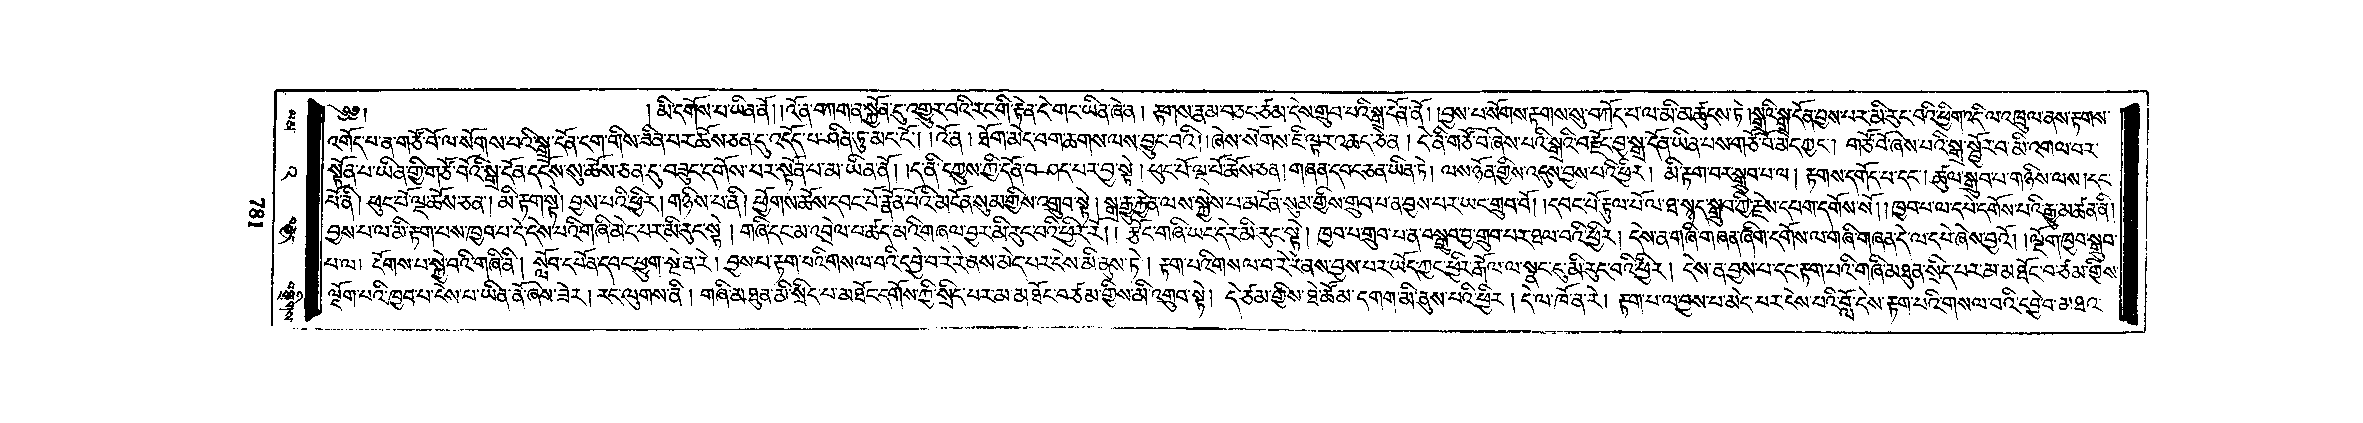༄༅། །མི་དགོས་པ་ཡིན་ནོ། །འོ་ན་བཀག་ན་སྐྱོན་དུ་འགྱུར་བའི་རང་གི་རྟེན་དེ་གང་ཡིན་ཞེ་ན། རྟགས་རྣམ་བཅད་ཙམ་དེས་གྲུབ་པའི་སྒྲ་དོན་ནོ། །བྱས་པ་སོགས་རྟགས་སུ་བཀོད་པ་ལ་མི་མཚུངས་ཏེ། སྒྲའི་སྒྲ་དོན་བྱས་པར་མི་རུང་བའི་ཕྱིག་འདི་ལ་འཁྲུལ་ནས་རྟགས་
འགོད་པ་ན་གཙོ་བོ་ལ་སོགས་པའི་སྒྲ་དོན་ངག་གིས་ཟིན་པར་ཆོས་ཅན་དུ་འདོད་པ་ཤིན་ཏུ་མང་ངོ། །འོ་ན། ཐོག་མེད་བག་ཆགས་ལས་བྱུང་བའི། །ཞེས་སོགས་ཇི་ལྟར་འཆད་ཅེ་ན། དེ་ནི་གཙོ་བོ་ཞེས་པའི་སྒྲའི་བརྗོད་བྱ་སྒྲ་དོན་ཡིན་པས་གཙོ་བོ་མེད་ཀྱང་། གཙོ་བོ་ཞེས་པའི་སྒྲ་སྦྱོར་བ་མི་འགལ་བར་
སྟོན་པ་ཡིན་གྱི་གཙོ་བོའི་སྒྲ་དོན་དངོས་སུ་ཆོས་ཅན་དུ་བཟུང་དགོས་པར་སྟོན་པ་མ་ཡིན་ནོ། །ད་ནི་དཀྱུས་ཀྱི་དོན་བཤད་པར་བྱ་སྟེ། ཕུང་པོ་ལྔ་པོ་ཆོས་ཅན། གཞན་དབང་ཅན་ཡིན་ཏེ། ལས་ཉོན་གྱིས་འདུས་བྱས་པའི་ཕྱིར། མི་རྟག་པར་སྒྲུབ་པ་ལ། རྟགས་དགོད་པ་དང་། ཚུལ་སྒྲུབ་པ་གཉིས་ལས། དང་
པོ་ནི། ཕུང་པོ་ལྔ་ཆོས་ཅན། མི་རྟག་སྟེ། བྱས་པའི་ཕྱིར། གཉིས་པ་ནི། ཕྱོགས་ཆོས་དབང་པོ་རྣོན་པོའི་མངོན་སུམ་གྱིས་འགྲུབ་སྟེ། སྒྲ་རྒྱུ་རྐྱེན་ལས་སྐྱེས་པ་མངོན་སུམ་གྱིས་གྲུབ་པ་ན་བྱས་པར་ཡང་གྲུབ་བོ། །དབང་པོ་རྟུལ་པོ་ལ་ཐ་སྙད་སྒྲུབ་ཀྱི་རྗེས་དཔག་དགོས་སོ། །ཁྱབ་པ་ལ་དཔེ་དགོས་པའི་རྒྱུ་མཚན་ནི།
བྱས་པ་ལ་མི་རྟག་པས་ཁྱབ་པ་དེ་དེས་པའི་གཞི་མེད་པར་མི་རུང་སྟེ། གཞི་དང་མ་འབྲེལ་པ་ཚད་མའི་གཞལ་བྱར་མི་རུང་བའི་ཕྱིར་རོ། །རྩོད་གཞི་ཡང་དེར་མི་རུང་སྟེ། ཁྱབ་པ་གྲུབ་པ་ན་བསྒྲུབ་བྱ་གྲུབ་པར་ཐལ་བའི་ཕྱིར། དེས་ན་གཞི་གཞན་ཞིག་དགོས་ལ་གཞི་གཞན་དེ་ལ་དཔེ་ཞེས་བྱའོ། །ལྡོག་ཁྱབ་སྒྲུབ་
པ་ལ། དོགས་པ་སྐྱེ་བའི་གཞི་ནི། སློབ་དཔོན་དབང་ཕྱུག་སྡེ་ན་རེ། བྱས་པ་རྟག་པའི་གསལ་བའི་དབྱེ་བ་རེ་རེ་ནས་མེད་པར་ངེས་མི་ནུས་ཏེ། རྟག་པའི་གསལ་བ་རེ་རེ་ནས་བྱས་པར་ཡོད་ཀྱང་ཕྱིར་རྒོལ་ལ་སྣང་དུ་མི་རུང་བའི་ཕྱིར། དེས་ན་བྱས་པ་དང་རྟག་པའི་གཞི་མཐུན་སྲིད་པར་མ་མཐོང་བ་ཙམ་གྱིས་
ལྡོག་པའི་ཁྱབ་པ་ངེས་པ་ཡིན་ནོ་ཞེས་ཟེར། རང་ལུགས་ནི། གཞི་མཐུན་མི་སྲིད་པ་མཐོང་དགོས་ཀྱི་སྲིད་པར་མ་མཐོང་བཙམ་གྱིས་མི་འགྲུབ་སྟེ། དེ་ཙམ་གྱིས་ཐེ་ཚོམ་དགག་མི་ནུས་པའི་ཕྱིར། དེ་ལ་ཁོ་ན་རེ། རྟག་པ་ལ་བྱས་པ་མེད་པར་ངེས་པའི་བློ་དེས་རྟག་པའི་གསལ་བའི་དབྱེ་བ་མཐའ་